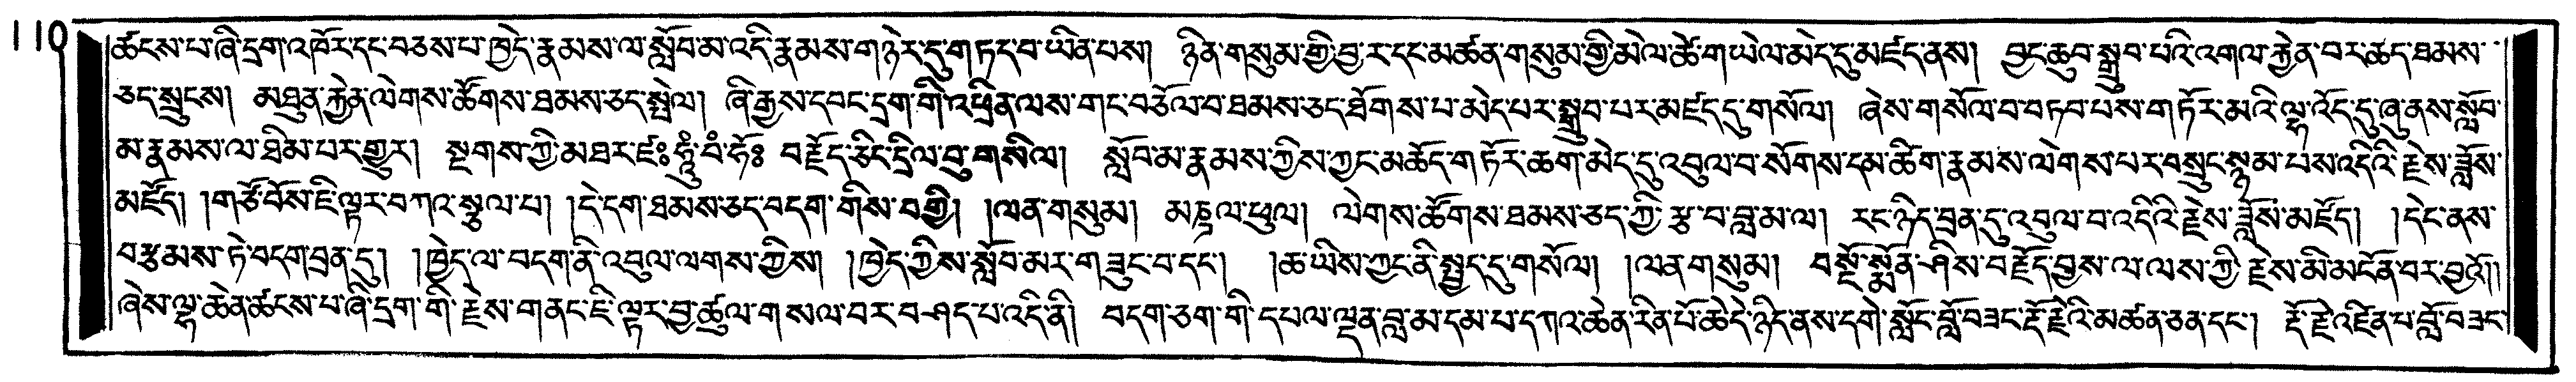ཚངས་པ་ཞི་དྲག་འཁོར་དང་བཅས་པ་ཁྱེད་རྣམས་ལ་སློབ་མ་འདི་རྣམས་གཉེར་དུ་གཏད་པ་ཡིན་པས། ཉིན་གསུམ་གྱི་བྱ་ར་དང་མཚན་གསུམ་གྱི་མེལ་ཚེ་གཡེལ་མེད་དུ་མཛད་ནས། བྱང་ཆུབ་སྒྲུབ་པའི་འགལ་རྐྱེན་བར་ཆད་ཐམས་
ཅད་སྲུངས། མཐུན་རྐྱེན་ལེགས་ཚོགས་ཐམས་ཅད་སྤེལ། ཞི་རྒྱས་དབང་དྲག་གི་འཕྲིན་ལས་གང་བཅོལ་བ་ཐམས་ཅད་ཐོགས་པ་མེད་པར་སྒྲུབ་པར་སྒྲུབ་པར་མཛད་དུ་གསོལ། །ཞེས་གསོལ་བ་བཏབ་པས་གཏོར་མའི་ལྷ་འོད་དུ་ཞུ་ནས་སློབ་
མ་རྣམས་ལ་ཐིམ་པར་གྱུར། སྔགས་ཀྱི་མཐར་ཛཿ ཧཱུཾ་བཾ་ཧོཿ བརྗོད་ཅིང་དྲིལ་བུ་གསིལ། སློབ་མ་རྣམས་ཀྱིས་ཀྱང་མཆོད་གཏོར་ཆག་མེད་དུ་འབུལ་བ་སོགས་དམ་ཚིག་རྣམས་ལེགས་པར་བསྲུང་སྙམ་པས་འདིའི་རྗེས་ཟློས་
མཛོད། །གཙོ་བོས་ཇི་ལྟར་བཀའ་སྩལ་པ། །དེ་དག་ཐམས་ཅད་བདག་གིས་བགྱི། །ལན་གསུམ། མཎྜལ་ཕུལ། ལེགས་ཚོགས་ཐམས་ཅད་ཀྱི་རྩ་བ་བླ་མ་ལ། རང་ཉིད་བྲན་དུ་འབུལ་བ་འདིའི་རྗེས་ཟློས་མཛོད། །དེང་ནས་
བརྩམས་ཏེ་བདག་བྲན་དུ། །ཁྱེད་ལ་བདག་ནི་འབུལ་ལགས་ཀྱིས། །ཁྱེད་ཀྱིས་སློབ་མར་གཟུང་བ་དང་། །ཆ་ཡིས་ཀྱང་ནི་སྤྱད་དུ་གསོལ། །ལན་གསུམ། བསྔོ་སྨོན་ཤིས་བརྗོད་བྱས་ལ་ལས་ཀྱི་རྗེས་མི་མངོན་པར་བྱའོ།།
ཞེས་ལྷ་ཆེན་ཚངས་པ་ཞི་དྲག་གི་རྗེས་གནང་ཇི་ལྟར་བྱ་ཚུལ་གསལ་བར་བཤད་པ་འདི་ནི། བདག་ཅག་གི་དཔལ་ལྡན་བླ་མ་དམ་པ་དཀའ་ཆེན་རིན་པོ་ཆེ་དེ་ཉིད་ནས་དགེ་སློང་བློ་བཟང་རྡོ་རྗེའི་མཚན་ཅན་དང་། རྡོ་རྗེ་འཛིན་པ་བློ་བཟང་